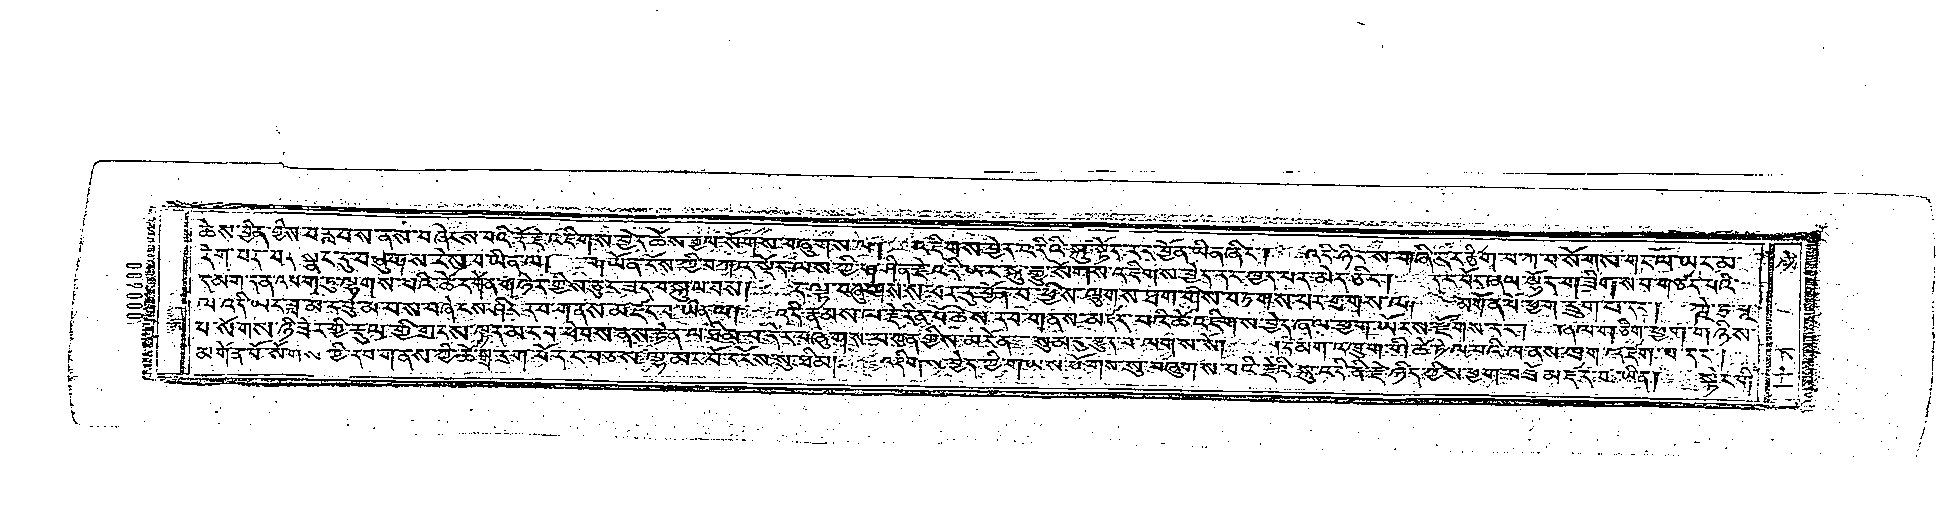ཆེས་བྱིན་གྱིས་བརླབས་ནས་བཞེངས་པའི་རྡོ་རྗེ་འཇིགས་བྱེད་ཆོས་རྒྱལ་སོགས་བཞུགས་ལ། འཇིགས་བྱེད་འདིའི་སྐུ་སྟོད་རང་བྱོན་ཡིན་ཞིང་། འདི་ཉིད་ས་གཞི་དང་རྩིག་པ་ཀ་བ་སོགས་གང་ལ་ཡང་མ་
རེག་པར་བར་སྣང་དུ་བཞུགས་ངེས་པ་ཡིན་ལ། གཡོན་དོས་ཀྱི་བཀའ་སྡོད་ལས་ཀྱི་གཞིན་རྗེ་འདི་ཡང་སྐུ་རྒྱུ་སོགས་འཇིགས་བྱེད་དང་ཁྱད་པར་མེད་ཅིང་། དང་བོར་ཞལ་ལྷོད་གཟིགས་པ་གཙང་པའི་
དམག་དན་འཕག་ཏུ་ལྷགས་པའི་ཚེ་དགོན་གཉེར་གྱི་ས་ཅུང་ཟད་བ་སྐུལ་བས། ད་ལྟ་བཞུགས་ས་བར་དུ་བྱོན་པ་ཕྱིས་ལྕགས་ཐག་གིས་བཏགས་པར་གྲགས་ལ། མགོན་པོ་ཕྱག་དྲུག་པ་དང་། ཀྵེ་ཏྲ་པཱ་
ལ་འདི་ཡང་བླ་མ་དབུ་མ་པས་བཞེངས་ཤིང་རབ་གནས་མཛད་བ་ཡིན་ལ། འདི་རྣམས་ལ་རྗེ་རིན་པོ་ཆེས་རབ་གནས་མཛད་པའི་ཚེ་འཇིགས་བྱེད་ཞལ་ཕྱག་ཡོངས་རྫོགས་དང་། ཞལ་གཅིག་ཕྱག་གཉིས་
པ་སོགས་ཉི་ཟེར་གྱི་རྡུལ་གྱི་གྲངས་ལྟར་མང་བ་ཕེབས་ནས་རྟེན་ལ་ཐིམ་པ་དེར་བཞུགས་པ་ཀུན་གྱིས་མངོན་སུམ་དུ་གྱུར་པ་ལགས་སོ། །དམག་འཁྲུག་གི་ཚེ་ཏེལ་པའི་ཁ་ནས་ཁྲག་འཛག་པ་དང་།
མགོན་པོ་སོགས་ཀྱི་རབ་གནས་ཀྱི་ཚེ་སྒྲ་དྲག་པོ་དང་བཅས་ལྷ་མང་པོ་དངོས་སུ་ཐིམ། འཇིགས་བྱེད་ཀྱི་གཡས་ཕོགས་སུ་བཞུགས་པའི་རྗེའི་སྐུ་འདི་ནི་རྗེ་ཉིད་ཀྱིས་ཕྱག་བཟོ་མཛད་པ་ཡིན། སྟེང་གི་